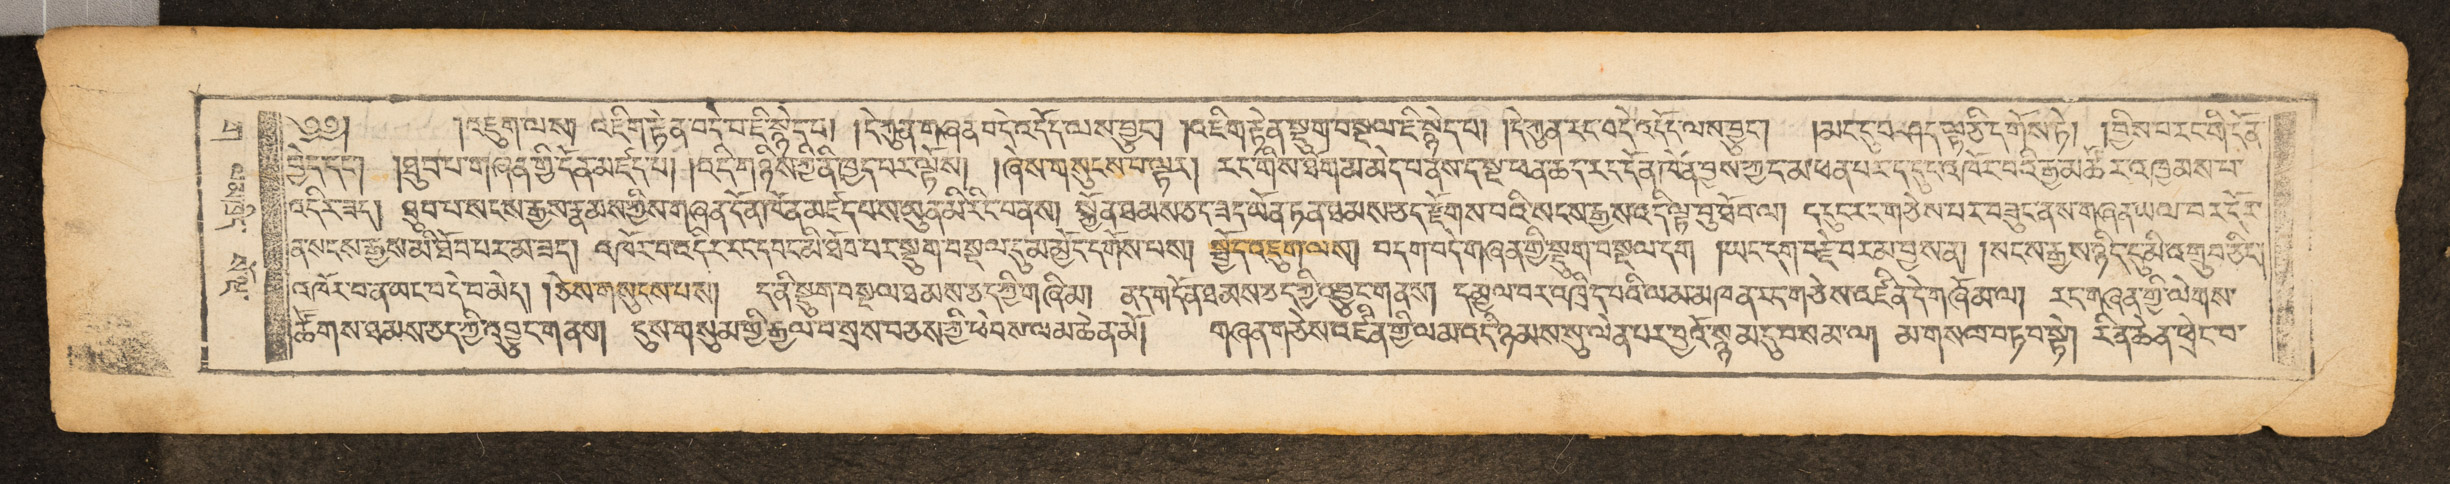༄༅། །འཇུག་ལས། འཇིག་རྟེན་བདེ་བ་ཇི་སྙེད་པ། །དེ་ཀུན་གཞན་བདེ་འདོད་ལས་བྱུང་། །འཇིག་རྟེན་སྡུག་བསྔལ་ཇི་སྙེད་པ། །དེ་ཀུན་རང་བདེ་འདོད་ལས་བྱུང་། །མང་དུ་བཤད་ལྟ་ཅི་དགོས་ཏེ། །བྱིས་པ་རང་གི་དོན་
བྱེད་དང་། །ཐུབ་པ་གཞན་གྱི་དོན་མཛད་པ། །འདི་གཉིས་ཀྱི་ནི་ཁྱད་པར་ལྟོས། །ཞེས་གསུངས་པ་ལྟར། རང་གིས་ཐོག་མ་མེད་པ་ནས་ད་སྔ་ཕན་ཆད་རང་དོན་ཁོ་ན་བྱས་ཀྱང་མ་ཕན་པར་ད་དུང་འཁོར་བའི་རྒྱ་མཚོར་འཁྱམས་པ་
འདིར་ཟད། ཐུབ་པ་སངས་རྒྱས་རྣམས་ཀྱིས་གཞན་དོན་ཁོ་ན་མཛད་པས་ཡུན་མི་རིང་བ་ནས། སྐྱོན་ཐམས་ཅད་ཟད་ཡོན་ཏན་ཐམས་ཅད་རྫོགས་པའི་སངས་རྒྱས་འདི་ལྟ་བུ་ཐོབ་ལ། ད་དུང་རང་གཅེས་པར་བཟུང་ནས་གཞན་ཡལ་བར་དོར་
ན་སངས་རྒྱས་མི་ཐོབ་པར་མ་ཟད། འཁོར་བ་འདིར་རང་དབང་མི་ཐོབ་པར་སྡུག་བསྔལ་དུ་མ་མྱོང་དགོས་པས། སྤྱོད་འཇུག་ལས། བདག་བདེ་གཞན་གྱི་སྡུག་བསྔལ་དག །ཡང་དག་བརྗེ་བར་མ་བྱས་ན། །སངས་རྒྱས་ཉིད་དུ་མི་འགྲུབ་ཅིང་།
འཁོར་བ་ན་ཡང་བདེ་བ་མེད། །ཅེས་གསུངས་པས། ད་ནི་སྡུག་བསྔལ་ཐམས་ཅད་ཀྱི་གཞི་མ། ནད་གདོན་ཐམས་ཅད་ཀྱི་འབྱུང་གནས། དམྱལ་བར་འཁྲིད་པའི་ལམ་མཁན་རང་གཅེས་འཛིན་དེ་གཞོམ་ལ། རང་གཞན་གྱི་ལེགས་
ཚོགས་ཐམས་ཅད་ཀྱི་འབྱུང་གནས། དུས་གསུམ་གྱི་རྒྱལ་བ་སྲས་བཅས་ཀྱི་ཕེབས་ལམ་ཆེན་མོ། གཞན་གཅེས་འཛིན་གྱི་ལམ་འདི་ཉམས་སུ་ལེན་པར་བྱའོ་སྙམ་དུ་བསམ་ལ། མ་གསལ་བཏབ་སྟེ། རིན་ཆེན་ཕྲེང་བ་